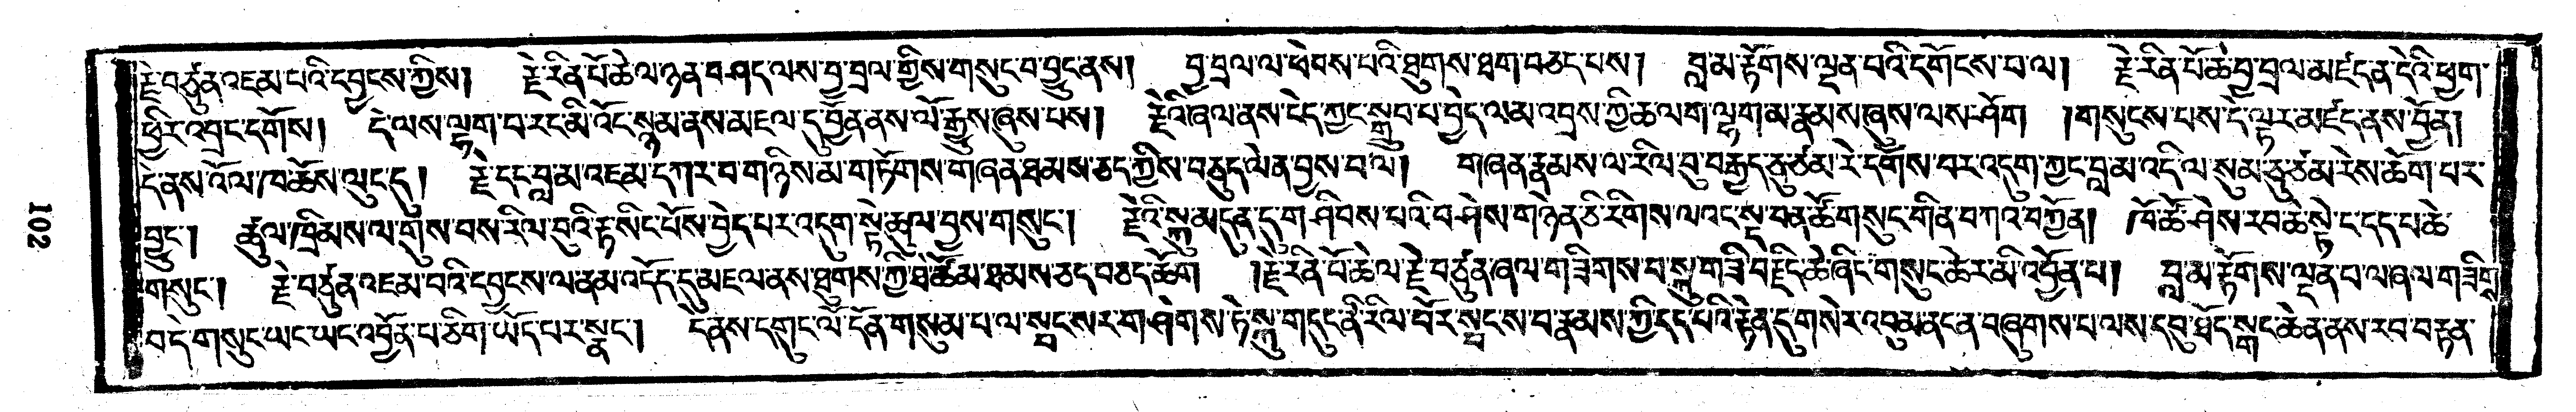རྗེ་བཙུན་འཇམ་པའི་དབྱངས་ཀྱིས། རྗེ་རིན་པོ་ཆེ་ལ་ཉན་བཤད་ལས་བྱ་བྲལ་གྱིས་གསུང་བ་བྱུང་ནས། བྱ་བྲལ་ལ་ཕེབས་པའི་ཐུགས་ཐག་བཅད་པས། བླ་མ་རྟོགས་ལྡན་པའི་དགོངས་པ་ལ། རྗེ་རིན་པོ་ཆེ་བྱ་བྲལ་མཛད་ན་དེའི་ཕྱག་
ཕྱིར་འབྲང་དགོས། དེ་ལས་ལྷག་པ་རང་མི་འོང་སྙམ་ནས་མཇལ་དུ་བྱོན་ནས་ལོ་རྒྱུས་ཞུས་པས། རྗེའི་ཞལ་ནས་ངེད་ཀྱང་སྒྲུབ་པ་བྱེད་ལམ་འབྲས་ཀྱི་ཆ་ལག་ལྷག་མ་རྣམས་ཞུས་ལས་ཤོག །གསུངས་པས་དེ་ལྟར་མཛད་ནས་བྱོན།
དེ་ནས་འོལ་ཁ་ཆོས་ལུང་དུ། རྗེ་དང་བླ་མ་འཇམ་དཀར་བ་གཉིས་མ་གཏོགས་གཞན་ཐམས་ཅད་ཀྱིས་བཅུད་ལེན་བྱས་པ་ལ། གཞན་རྣམས་ལ་རིལ་བུ་བརྒྱད་ཅུ་ཙམ་རེ་དགོས་པར་འདུག་ཀྱང་བླ་མ་འདི་ལ་སུམ་ཅུ་ཙམ་རེས་ཆོག་པར་
བྱུང་། ཚུལ་ཁྲིམས་ལ་གུས་པས་རིལ་བུའི་རྟ་སིང་པོས་བྱེད་པར་འདུག་སྟེ་ཆུལ་བྱས་གསུང་། རྗེའི་སྐུ་མདུན་དུ་གཤིབས་པའི་བཤེས་གཉེན་ཅི་རིགས་ལའང་སྔ་བན་ཚོ་གསུང་གིན་བཀའ་བཀྱོན། ཁོ་ཚོ་ཤེས་རབ་ཆེ་སྟེ་ང་དད་པ་ཆེ་
གསུང་། རྗེ་བཙུན་འཇམ་པའི་དབྱངས་ལ་ནམ་འདོད་དུ་མཇལ་ནས་ཐུགས་ཀྱི་ཐེ་ཚོམ་ཐམས་ཅད་བཅད་ཆོག །རྗེ་རིན་པོ་ཆེ་ལ་རྗེ་བཙུན་ཞལ་གཟིགས་བ་སྐུ་གཟི་བརྗིད་ཆེ་ཞིང་གསུང་ཆེར་མི་འབྱོན་པ། བླ་མ་རྟོགས་ལྡན་པ་ལ་ཞལ་གཟིགས་
བ་དེ་གསུང་ཡང་ཡང་འབྱོན་པ་ཅིག་ཡོད་པར་སྣང་། དེ་ནས་དགུང་ལོ་དོན་གསུམ་པ་ལ་སྤང་སར་གཤེགས་ཏེ་སྐུ་གདུང་ནི་རིལ་བོར་སྤངས་པ་རྣམས་ཀྱི་དད་པའི་རྟེན་དུ་གསེར་འབུམ་ནང་ན་བཞུགས་པ་ལས་དབུ་ཐོད་སྒང་ཆེན་ནས་རབ་བརྟན་